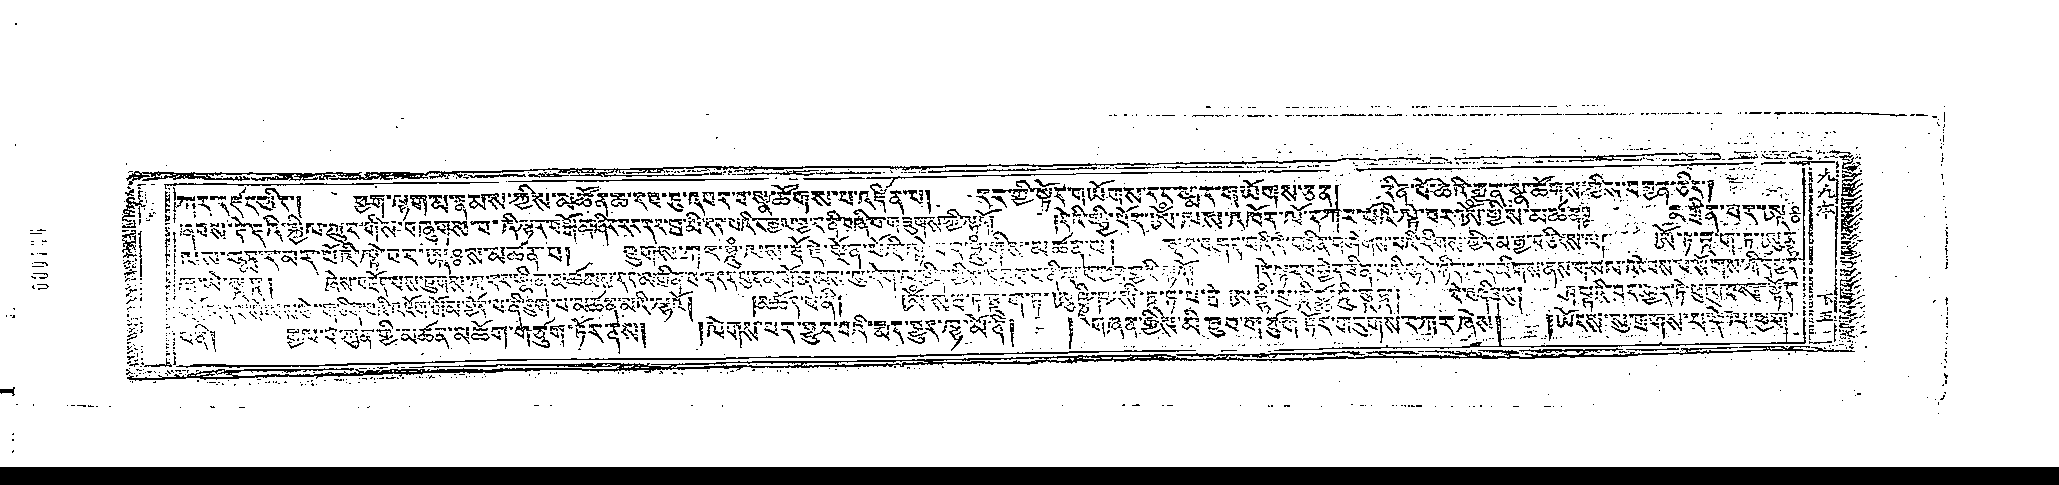ཀར་འཛིན་ཅིང་། ཕྱག་ལྷག་མ་རྣམས་ཀྱིས་མཚོན་ཆ་རབ་ཏུ་འབར་བ་སྣ་ཚོགས་བ་འཛིན་པ། དར་གྱི་སྟོད་གཡོགས་དང་སྨད་གཡོགས་ཅན། རིན་པོ་ཆེའི་རྒྱན་སྣ་ཚོགས་ཀྱིས་བརྒྱན་ཅིང་།
ཞབས་རྡོ་རྗེའི་སྐྱིལ་ཀྲུང་གིས་བཞུགས་པའི་ལྷར་བསྒོམ་ཞིང་རང་དང་ཐ་མི་དང་པའི་ང་རྒྱལ་བྱ་བ་ནི་བཞི་པ་གཟུགས་ཀྱི་ལྷའོ། །དེའི་སྤྱི་བོར་ཨོཾ་ལས་འཁོར་ལོ་དཀར་པོའི་ལྟེ་པར་ཨོཾ་གྱིས་མཚན་པ། མགྲིན་པར་ཨཱཿ
ལས་པདམ་དམར་པོའི་ལྟེ་པར་ཨཱཿ་ས་མཚན་པ། ཐུགས་ཀར་ཧཱུཾ་ལས་རྡོ་རྗེ་སྔོན་པོའི་ལྟེ་བར་ཧཱུཾ་གིས་མཚན་པ། སྔར་བཤད་པའི་དེ་བཞིན་གཤེགས་པའི་རིགས་ཀྱིད་མ་རྒྱ་བཅིངས་ལ། ཨོཾ་ཏ་ཐཱ་ག་ཏ་ཨུ་དྡྷ་
ཝ་ཡེ་སྭཱ་ཧཱ། ཞེས་བརྗོད་པས་ཐུགས་ཀ་དང་སྨིན་མཚན་ས་དང་མགྲིན་པ་དང་དཔུང་མགོ་རྣམས་སུ་རེག་ལ་བྱིན་གྱིས་བརླབ་པ་ནི་ཝ་པ་ཕྱག་རྒྱའི་ལྟའོ། །དེ་ལྟར་བསྐྱེད་ཟིན་པའི་ལྷ་དེ་ཉིད་ལ་དམིགས་ནས་གསལ་འདེབས་པ་སོགས་ཀྱི་དཔྱད་
བསྒོམ་དང་སེམས་རྩེ་གཅིག་པའི་འཇོག་སྒོམ་བྱེད་པ་ནི་དྲུག་པ་མཚན་མའི་ལྷའོ། །མཆོད་པ་ནི། ཨོཾ་སརྦ་ཏ་ཐཱ་ག་ཏ་ཨུ་ཥྞཱི་ཥ་སི་ཏཱ་ཏ་པ་ཏྲེ་ཨ་རྒྷཾ་པྲ་ཏཱ་ཙྪ་ཧཱུཾ་སྭཱ་ཧཱ། དེ་བཞིན་དུ། ཤཔྟའི་བར་སྦྱར་ཏེ་ཕུལ། བསྟོད་
པ་ནི། རྒྱལ་བ་ཀུན་གྱི་མཚན་མཆོག་གཙུག་ཏོར་ནས། །ལེགས་པར་བྱུང་པའི་རྨད་བྱུང་ལྷ་མོ་ནི། །གཞན་གྱིས་མི་ཐུབ་གཙུག་ཏོར་གདུགས་དཀར་ཞེས། །ཡོངས་སུ་གྲགས་པ་དེ་ལ་ཕྱག་